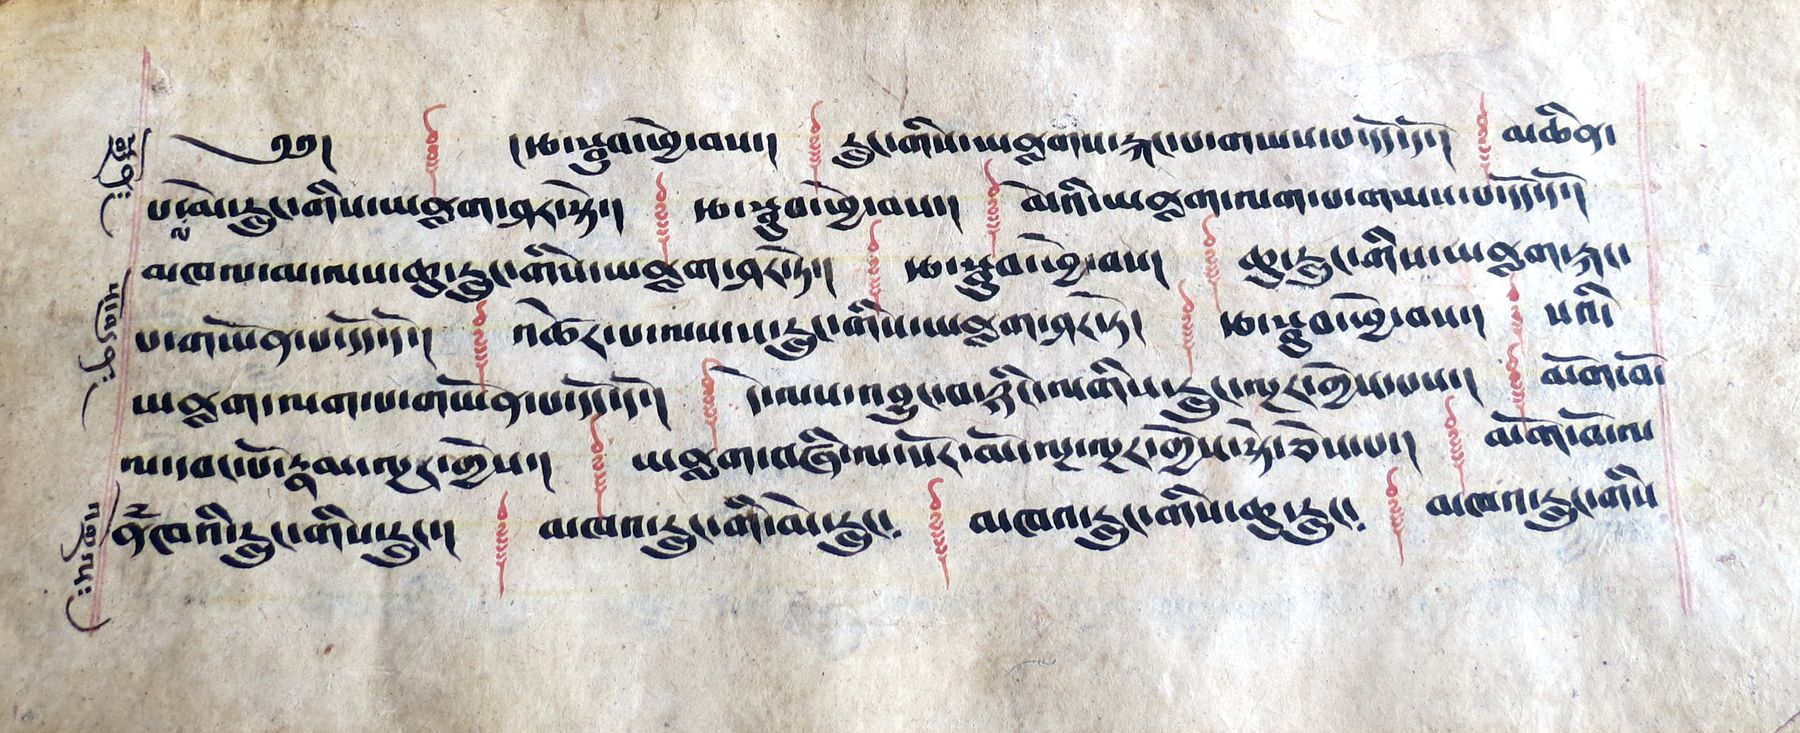སྦུབས་ཕྱེས་བས། རླུང་གི་ཡན་ལག་རྐང་པ་གཡས་པ་དོད་དོ། །མཆིན་
པ་ལ་མེ་རླུང་གི་ཡན་ལག་ཤར་ཏེ། རྩ་སྦུབས་ཕྱེས་པས་མེའི་ཡན་ལག་ལག་པ་གཡས་པ་དོད་དོ། །
མཁལ་མ་ལས་ཆུ་རླུང་གི་ཡན་ལག་ཤར་ཏེ། རྩ་སྦུབས་ཕྱེས་པས། ཆུ་རླུང་གི་ཡན་ལག་རྐང་
པ་གཡོན་པ་དོད་དོ། །མཚེར་པ་ལས་ས་རླུང་གི་ཡན་ལག་ཤར་ཏེ། རྩ་སྦུབས་ཕྱེས་པས། སའི་
ཡན་ལག་ལག་པ་གཡོན་པ་དོད་དོ། །དེ་ལས་འབྱུང་བ་ཉིང་ལག་གི་རླུང་ལྔ་ལྔར་གྱེས་པས། མགོ་བོ་
ལ་དབང་པོ་རྣམ་ལྔར་གྱེས། ཡན་ལག་བཞི་ལས་སོར་མོ་ལྔ་ལྔར་གྱེས་ཏེ། །ཞེས་པས། མགོ་བོ་ལ་
ནམ་མཁའི་རླུང་གི་རླུང་། མཁའ་རླུང་གི་མེ་རླུང་། མཁའ་རླུང་གི་ཆུ་རླུང། མཁའ་རླུང་གིས་